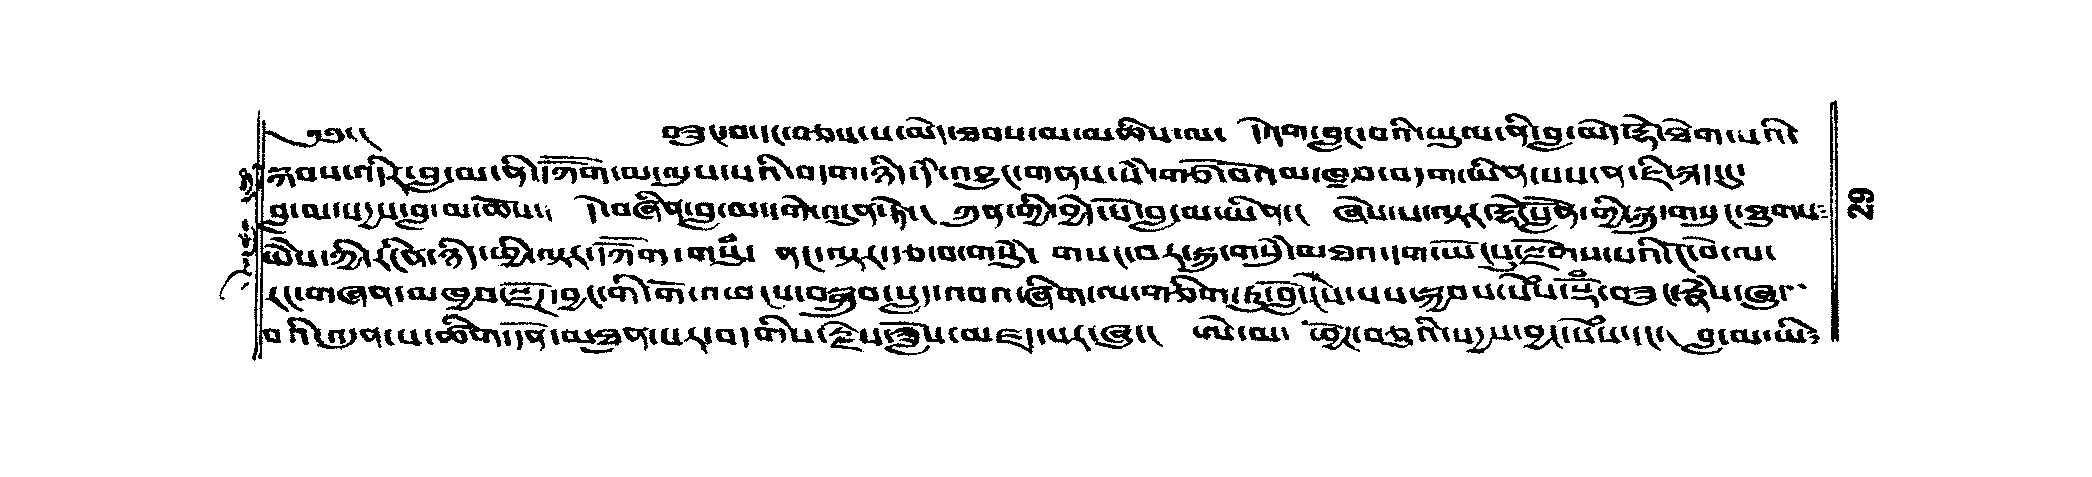བཟུང་བ་དང་བཅས་པ་མེད་ཐབས་མ་མཆིས་ལ། དེ་དག་བླང་བའི་ཡུལ་ནི་བླ་མེད་རྡོ་རྗེ་ཐེག་པའི་
སྐབས་འདིར་བླ་མ་ནི་དཀོན་མཆོག་མ་ལུས་པའི་བདག་ཉིད་དེམ་འབྱུང་གནས་སེམས་གཙོ་བོའམ་ཁྱབ་བདག་ཡིན་པས་ན་ཇི་སྐད་དུ་
བླ་མ་སངས་རྒྱས་མ་ཆོས། དེ་བཞིན་བླ་མ་དགེ་འདུན་ཏེ། ཀུན་གྱི་བྱེད་པོ་བླ་མ་ཡིན། ཞེས་པ་ལྟར་རྡོ་རྗེ་སློབ་དཔོན་གྱི་སྐུ་གསུང་ཐུགས་
ཡེ་ཤེས་ཀྱི་རང་བཞིན་ཉིད་ཕྱི་ལྟར་དཀོན་མཆོག་གསུམ། ནང་ལྟར་རྩ་བ་གསུམ། གསང་བར་སྐུ་གསུམ་མཐའ་དག་ཡོངས་སུ་རྫོགས་པའི་ངོ་བོ་ལ་
རང་བཞིན་མཁྱབ་རྫོགས་བྱང་གི་གོ་འཕང་བསྒྲུབ་སླད་འབའ་ཞིག་ལ་གཅིག་ཏུ་བློ་ངེས་པར་སྐྱབས་སེམས་སྡོམ་བཟུང་རྣམས་ཞུ་
བའི་འདུན་པ་ཚིག་དོན་མཐུན་པར་བདག་གིས་རྗེས་ཟློས་མཛད་པར་ཞུ།ཨེ་མ། ཕྱིགས་བཅུའི་སངས་རྒྱས་བྱང་སེམས་དང་། བླ་མ་ཡི་